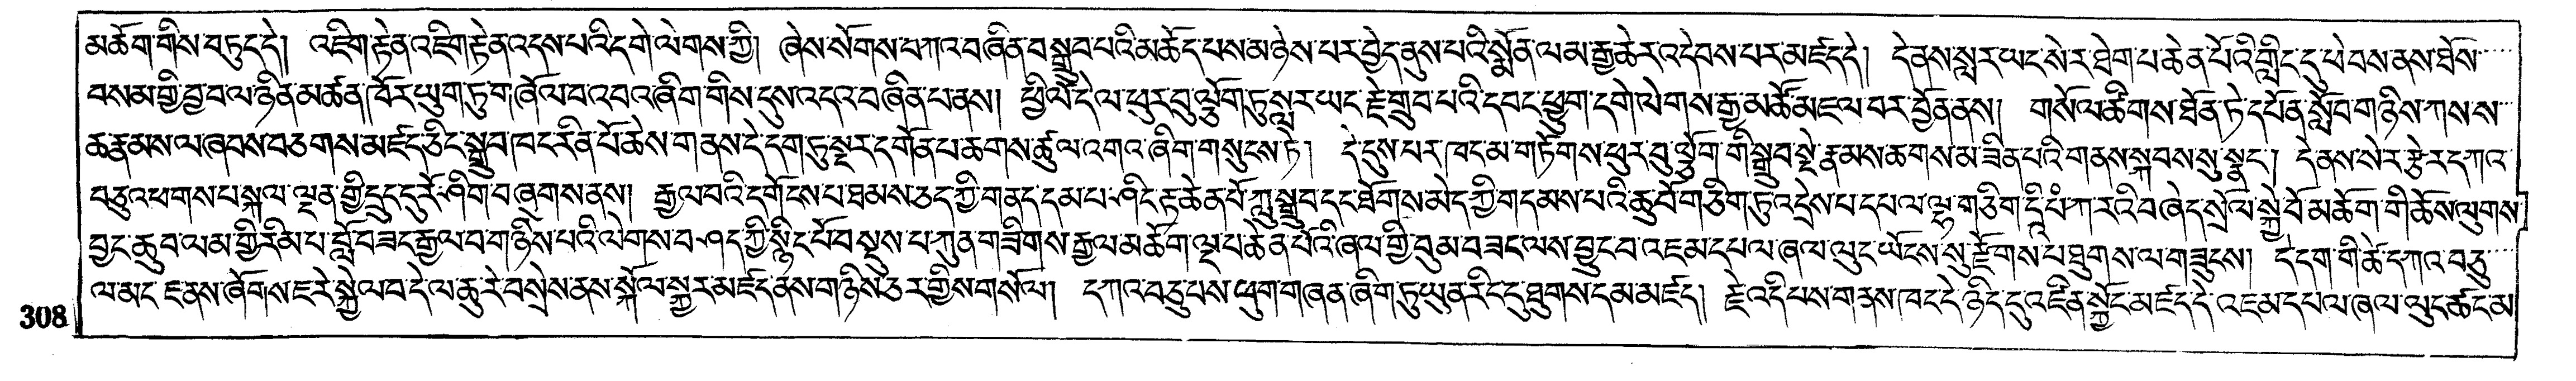མཆོག་གིས་བཏུད་དེ། འཇིག་རྟེན་འཇིག་རྟེན་འདས་པའི་དགེ་ལེགས་ཀྱི། ཞེས་སོགས་བཀའ་བཞིན་བསྒྲུབ་པའི་མཆོད་པས་མཉེས་པར་བྱེད་ནུས་པའི་སྨོན་ལམ་རྒྱ་ཆེར་འདེབས་པར་མཛད་དེ། དེ་ནས་སླར་ཡང་སེར་ཐེག་པ་ཆེན་པོའི་གླིང་དུ་ཕེབས་ནས་ཐོས་
བསམ་གྱི་བྱ་བ་ལ་ཉིན་མཚན་ཁོར་ཡུག་ཏུ་གཞོལ་བ་འབའ་ཞིག་གིས་དུས་འདའ་བཞིན་བ་ནས། ཕྱི་ལོ་དེ་ལ་ཕུར་བུ་ལྕོག་ཏུ་སླར་ཡང་རྗེ་གྲུབ་པའི་དབང་ཕྱུག་དགེ་ལེགས་རྒྱ་མཚོ་མཇལ་བར་བྱོན་ནས། །གསོལ་ཚིགས་ཐོན་ཏེ་དཔོན་སློབ་གཉིས་ཀས་ས་
ཆ་རྣམས་ལ་ཞབས་བཅགས་མཛད་ཅིང་སྒྲུབ་ཁང་རིན་པོ་ཆེས་གནས་དེ་དག་ཏུ་སྔར་དགོན་པ་ཆགས་ཚུལ་འགའ་ཞིག་གསུངས་ཏེ། དེ་དུས་བར་ཁང་མ་གཏོགས་ཕུར་བུ་ལྕོག་གི་སྒྲུབ་སྡེ་རྣམས་ཆགས་མ་ཟིན་པའི་གནས་སྐབས་སུ་སྣང་། དེ་ནས་སེར་རྩེར་དཀའ་
བཅུ་འཕགས་བ་སྐལ་ལྡན་གྱི་དྲུང་དུ་རེ་ཤིག་བཞུགས་ནས། རྒྱལ་བའི་དགོངས་པ་ཐམས་ཅད་ཀྱི་གནད་དམ་པ་ཤིང་རྟ་ཆེན་བོ་ཀླུ་སྒྲུབ་དང་ཐོགས་མེད་ཀྱི་གདམས་པའི་ཆུ་བོ་གཅིག་ཏུ་འདྲེས་པ་དཔལ་ལྷ་གཅིག་དཱི་བཾ་ཀ་རའི་བཞེད་སྲོལ་སྐྱེ་བོ་མཆོག་གི་ཆོས་ལུགས་
བྱང་ཆུབ་ལམ་གྱི་རིམ་པ་བློ་བཟང་རྒྱལ་བ་གཉིས་པའི་ལེགས་བཤད་ཀྱི་སྙིང་པོ་བསྡུས་པ་ཀུན་གཟིགས་རྒྱལ་མཆོག་ལྔ་པ་ཆེན་པོའི་ཞལ་གྱི་བུམ་བཟང་ལས་བྱུང་བ་འཇམ་དཔལ་ཞལ་ལུང་ཡོངས་སུ་རྫོགས་པ་ཐུགས་ལ་གཟུངས། དེ་དག་གི་ཚེ་དཀའ་བཅུ་
ལ་མང་ཇ་ནས་ཞོགས་ཇ་རེ་སྐྱེལ་བ་དེ་ལ་ཆུ་རེ་བསྲེས་ནས་སྐོལ་སྐྱར་མཛད་ནས་གཉིས་ཅར་གྱིས་གསོལ། བཀའ་བཅུ་བས་ཕུག་གཞན་ཞིག་ཏུ་ཡུན་རིང་དུ་ཐུགས་དམ་མཛད། རྗེ་འདི་པས་གནས་ཁང་དེ་ཉིད་དུ་འཛིན་སྐྱོར་མཛད་དེ་འཇམ་དཔལ་ཞལ་ལུང་ཚང་མ་